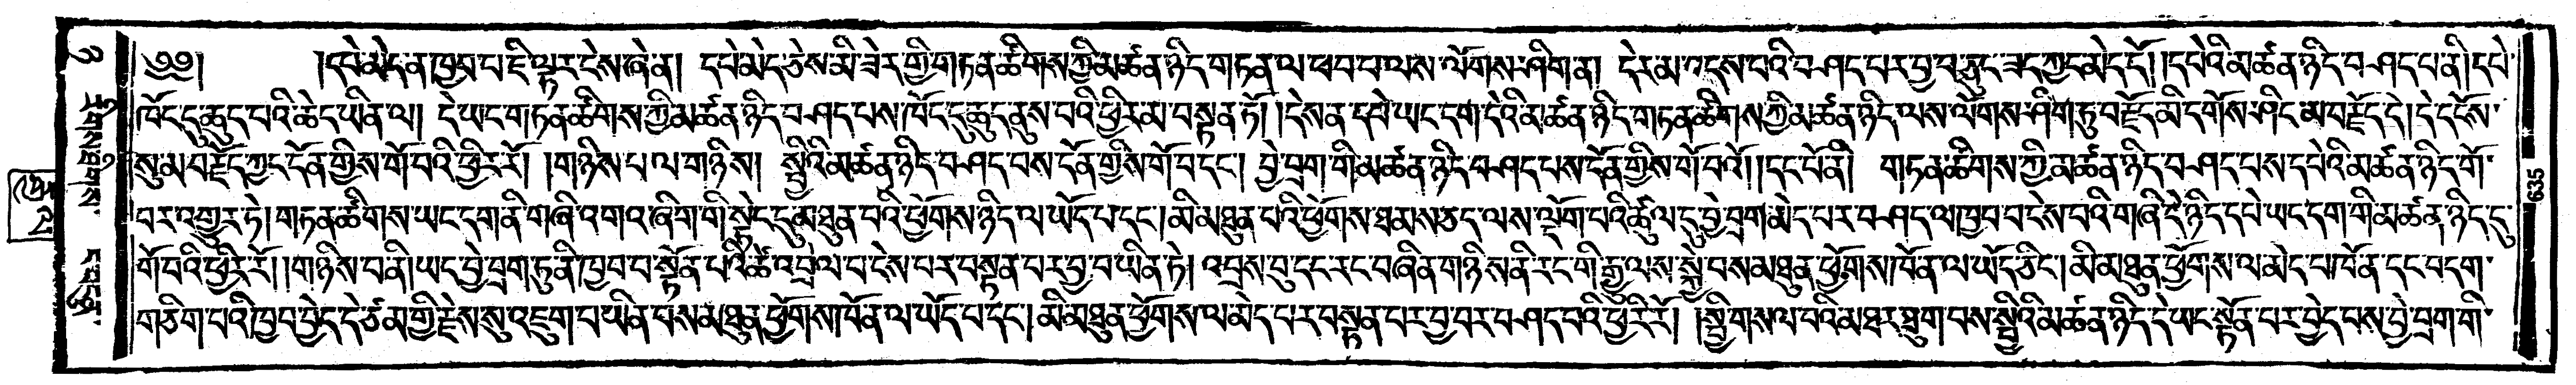༄༅། །དཔེ་མེད་ན་ཁྱབ་པ་ཇི་ལྟར་ངེས་ཞེ་ན། དཔེ་མེད་ཅེས་མི་ཟེར་གྱི་གཏན་ཚིགས་ཀྱི་མཚན་ཉིད་གཏན་ལ་ཕབ་པ་ལས་ལོགས་ཤིག་ན། དེར་མ་འདས་བའི་བཤད་པར་བྱ་བ་ཅུང་ཟད་ཀྱང་མེད་དོ། །དཔེའི་མཚན་ཉིད་བཤད་པ་ནི། དཔེ་
ཁོང་དུ་ཆུད་པའི་ཆེད་ཡིན་ལ། དེ་ཡང་གཏན་ཚིགས་ཀྱི་མཚན་ཉིད་བཤད་པས་ཁོང་དུ་ཆུད་ནུས་པའི་ཕྱིར་མ་བསྟན་ཏོ། །དེས་ན་དཔེ་ཡང་དག་དེའི་མཚན་ཉིད་གཏན་ཚིགས་ཀྱི་མཚན་ཉིད་ལས་ལོགས་ཤིག་ཏུ་བརྗོད་མི་དགོས་ཤིང་མ་བརྗོད་དེ། དེ་དངོས་
སུ་མ་བརྗོད་ཀྱང་དོན་གྱིས་གོ་བའི་ཕྱིར་རོ། །གཉིས་པ་ལ་གཉིས། སྦྱིའི་མཚན་ཉིད་བཤད་བས་དོན་གྱིས་གོ་བ་དང་། བྱེ་བྲག་གི་མཚན་ཉིད་བཤད་པས་དོན་གྱིས་གོ་བའོ། །དང་པོ་ནི། གཏན་ཚིགས་ཀྱི་མཚན་ཉིད་བཤད་པས་དཔེའི་མཚན་ཉིད་གོ་
བར་འགྱུར་ཏེ། གཏན་ཚིགས་ཡང་དག་ནི་གཞི་འགའ་ཞིག་གི་སྟེང་དུ་མཐུན་བའི་ཕྱོགས་ཉིད་ལ་ཡོད་པ་དང་། མི་མཐུན་པའི་ཕྱོགས་ཐམས་ཅད་ལས་ལྡོག་བའི་ཚུལ་དུ་བྱེ་བྲག་མེད་པར་བཤད་ལ་ཁྱབ་པ་ངེས་བའི་གཞི་དེ་ཉིད་དཔེ་ཡང་དག་གི་མཚན་ཉིད་དུ་
གོ་བའི་ཕྱིར་རོ། །གཉིས་པ་ནི། ཡང་བྱེ་བྲག་ཏུ་ནི་ཁྱབ་པ་སྟོན་པའི་ཚེ་འབྲེལ་པ་ངེས་བར་བསྟན་པར་བྱ་བ་ཡིན་ཏེ། འབྲས་བུ་དང་རང་བཞིན་གཉིས་ནི་རང་གི་རྒྱུ་ལས་སྐྱེ་བས་མཐུན་ཕྱོགས་ཁོ་ན་ལ་ཡོད་ཅིང་། མི་མཐུན་ཕྱོགས་ལ་མེད་པ་ཁོ་ན་དང་བདག་
གཅིག་པའི་ཁྱབ་བྱེད་དེ་ཙམ་གྱི་རྗེས་སུ་འཇུག་པ་ཡིན་པས་མཐུན་ཕྱོགས་ཁོ་ན་ལ་ཡོད་པ་དང་། མི་མཐུན་ཕྱོགས་ལ་མེད་པར་བསྟན་པར་བྱ་བར་བཤད་བའི་ཕྱིར་རོ། །སྦྱི་གསལ་བའི་མཐར་ཐུག་བས་སྦྱིའི་མཚན་ཉིད་དེ་ཡང་སྟོན་པར་བྱེད་བས་བྱེ་བྲག་གི་